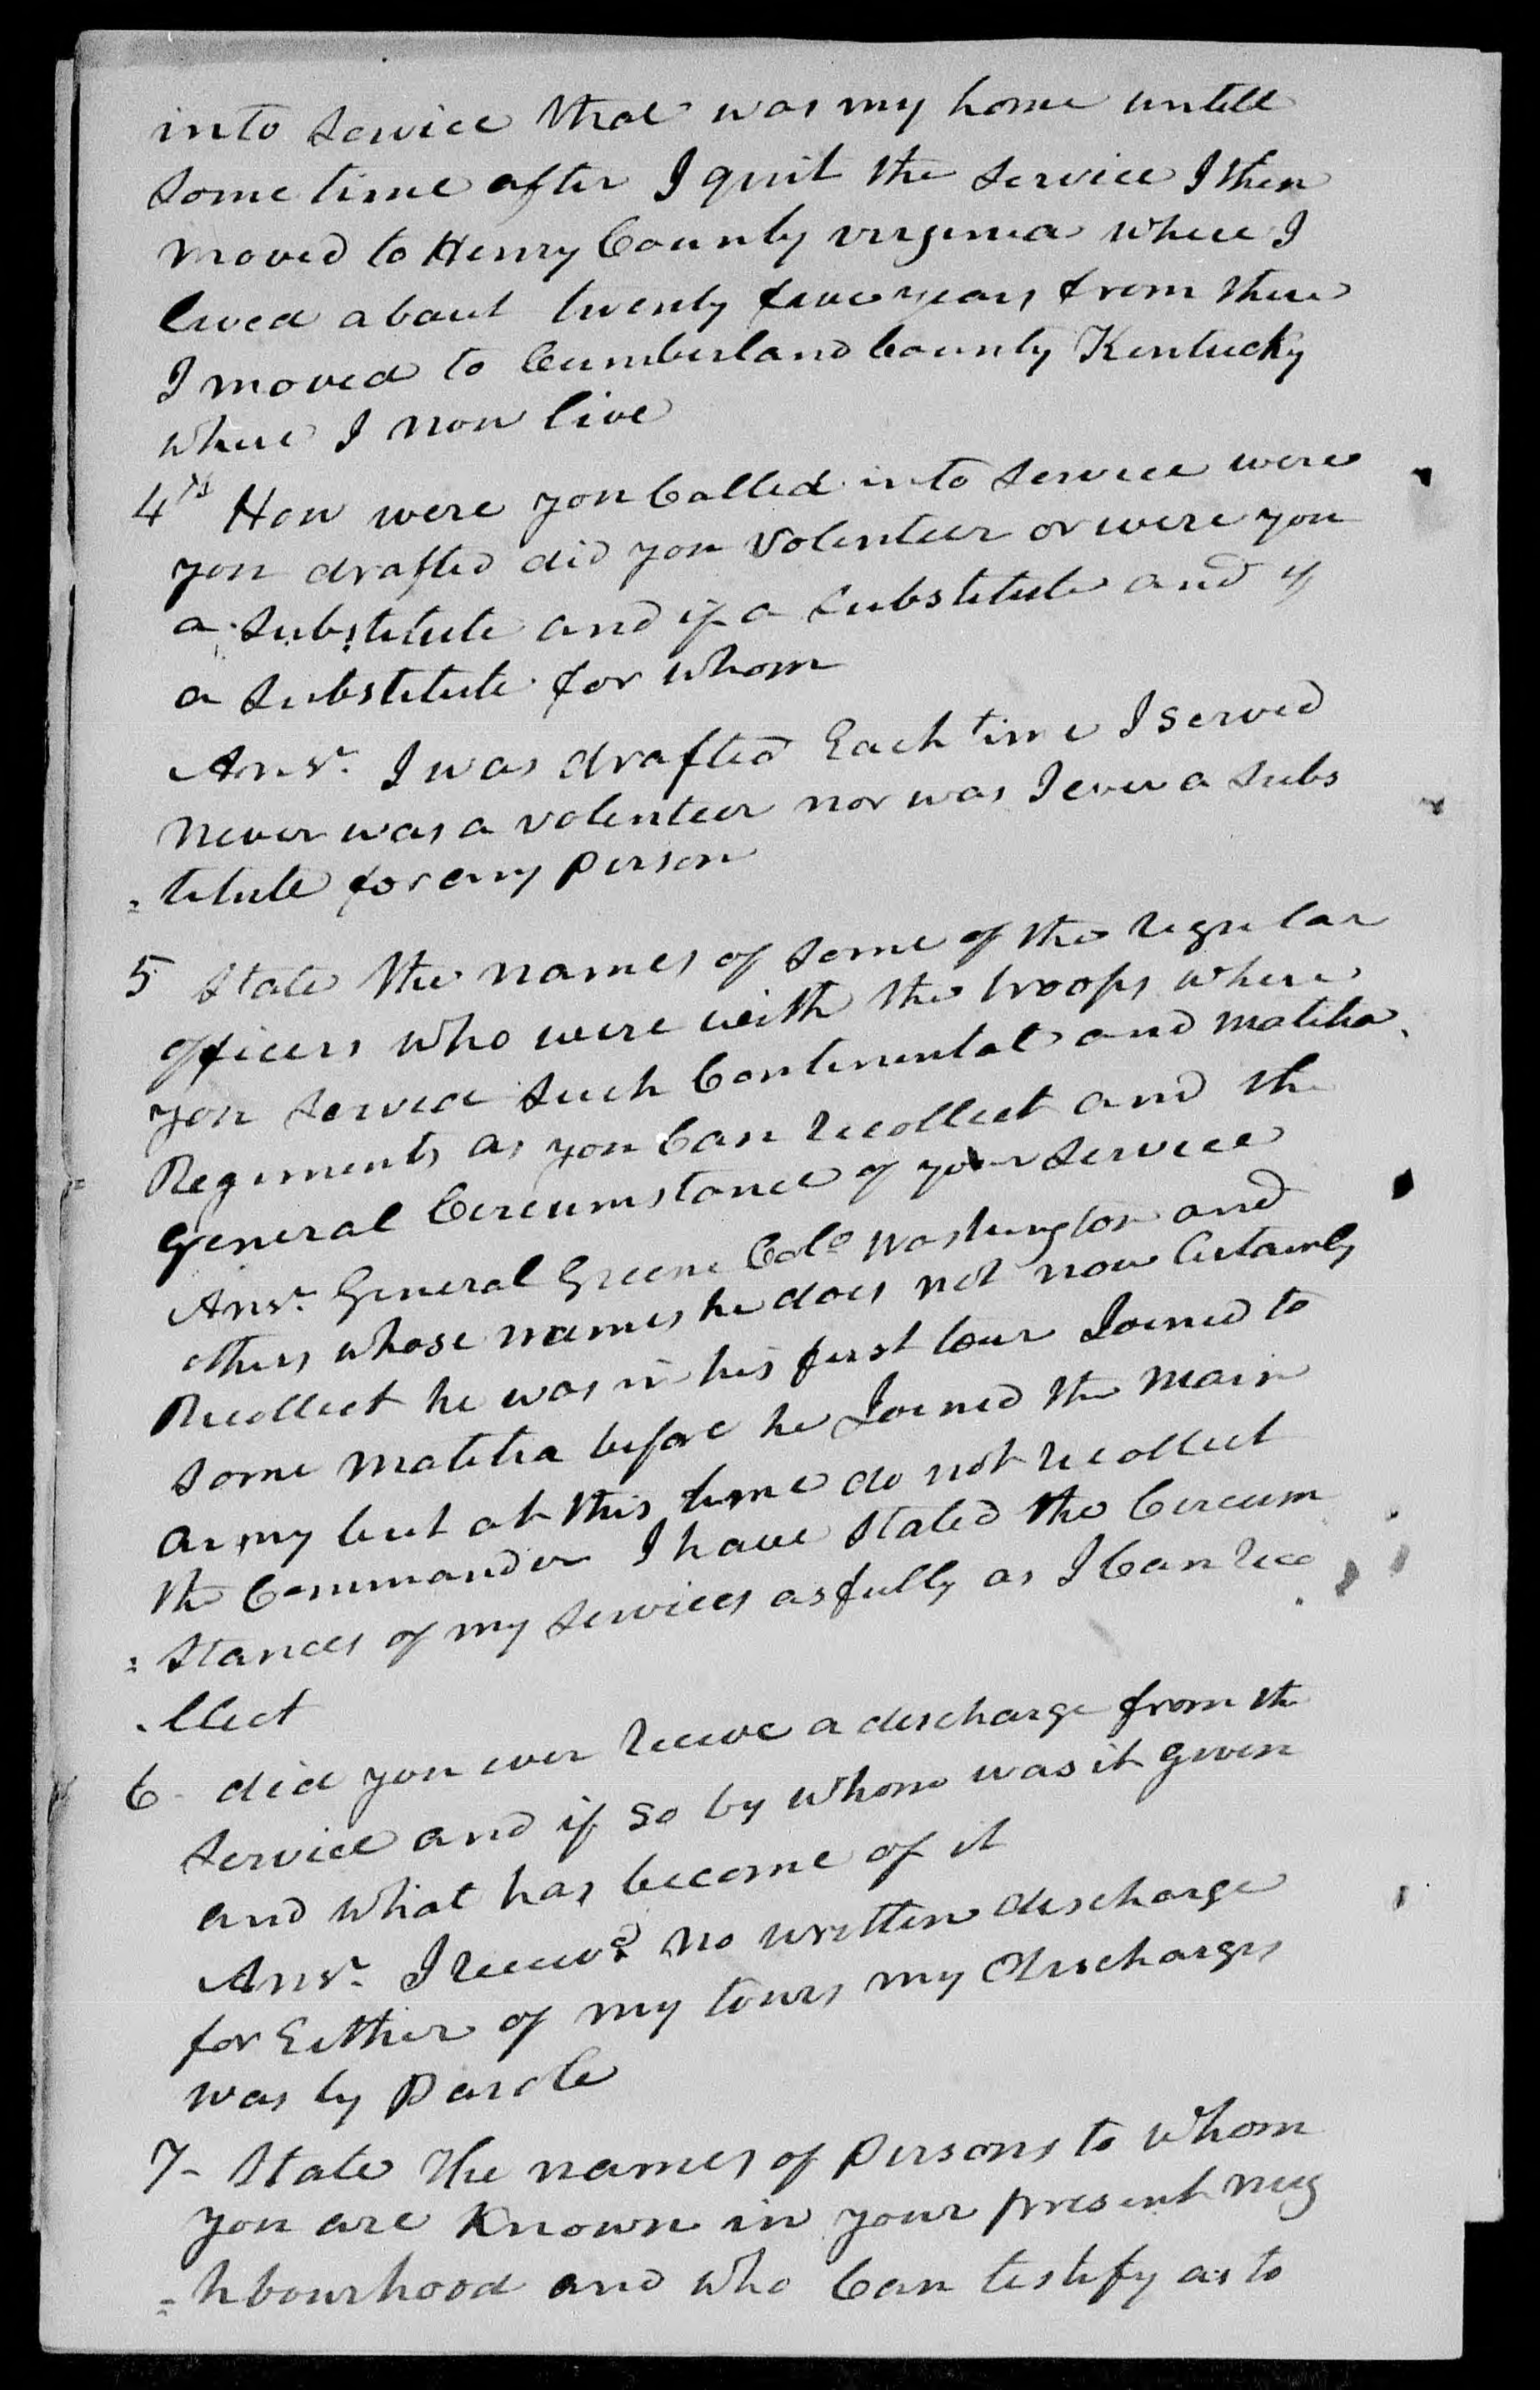into service that was my home untill [until]
some time after I quit the service I then 
moved to Henry County Virginia where I 
lived about twenty five years from there 
I moved to Cumberland County Kentucky where I now live

4th How were you called into service were 
you drafted did you volunteer or were you 
a substitute and if a substitute and if 
a substitute for whom 
Ansr. I was drafted each time I served 
never was a volunteer nor was I ever a subs
=titute for any person

5 State the names of some of the regular officers who were with the troops where 
you served such Continental and malitia [militia] 
Regiments as you can recollect and the 
general circumstance of your service
Ansr. General Greene Colo. Washington and others whose names he does not now certainly recollect he was in his first tour Joined to 
some malitia [militia] before he Joined the main 
army but at this time do not recollect 
the commander I have stated the circum
=stances of my services as fully as I can reco
llect. 

6. Did you ever receive a discharge from the service and if so by whom was it given 
and what has become of it
Ansr. I received no written discharge 
for either of my tours my discharges was by parole

7. state the names of persons to whom 
you are known in your present neig
=hborhood and who can testify as to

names: Green, Washington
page: 7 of 16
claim: survivor's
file: S. 37,877, John Creasey, Va.